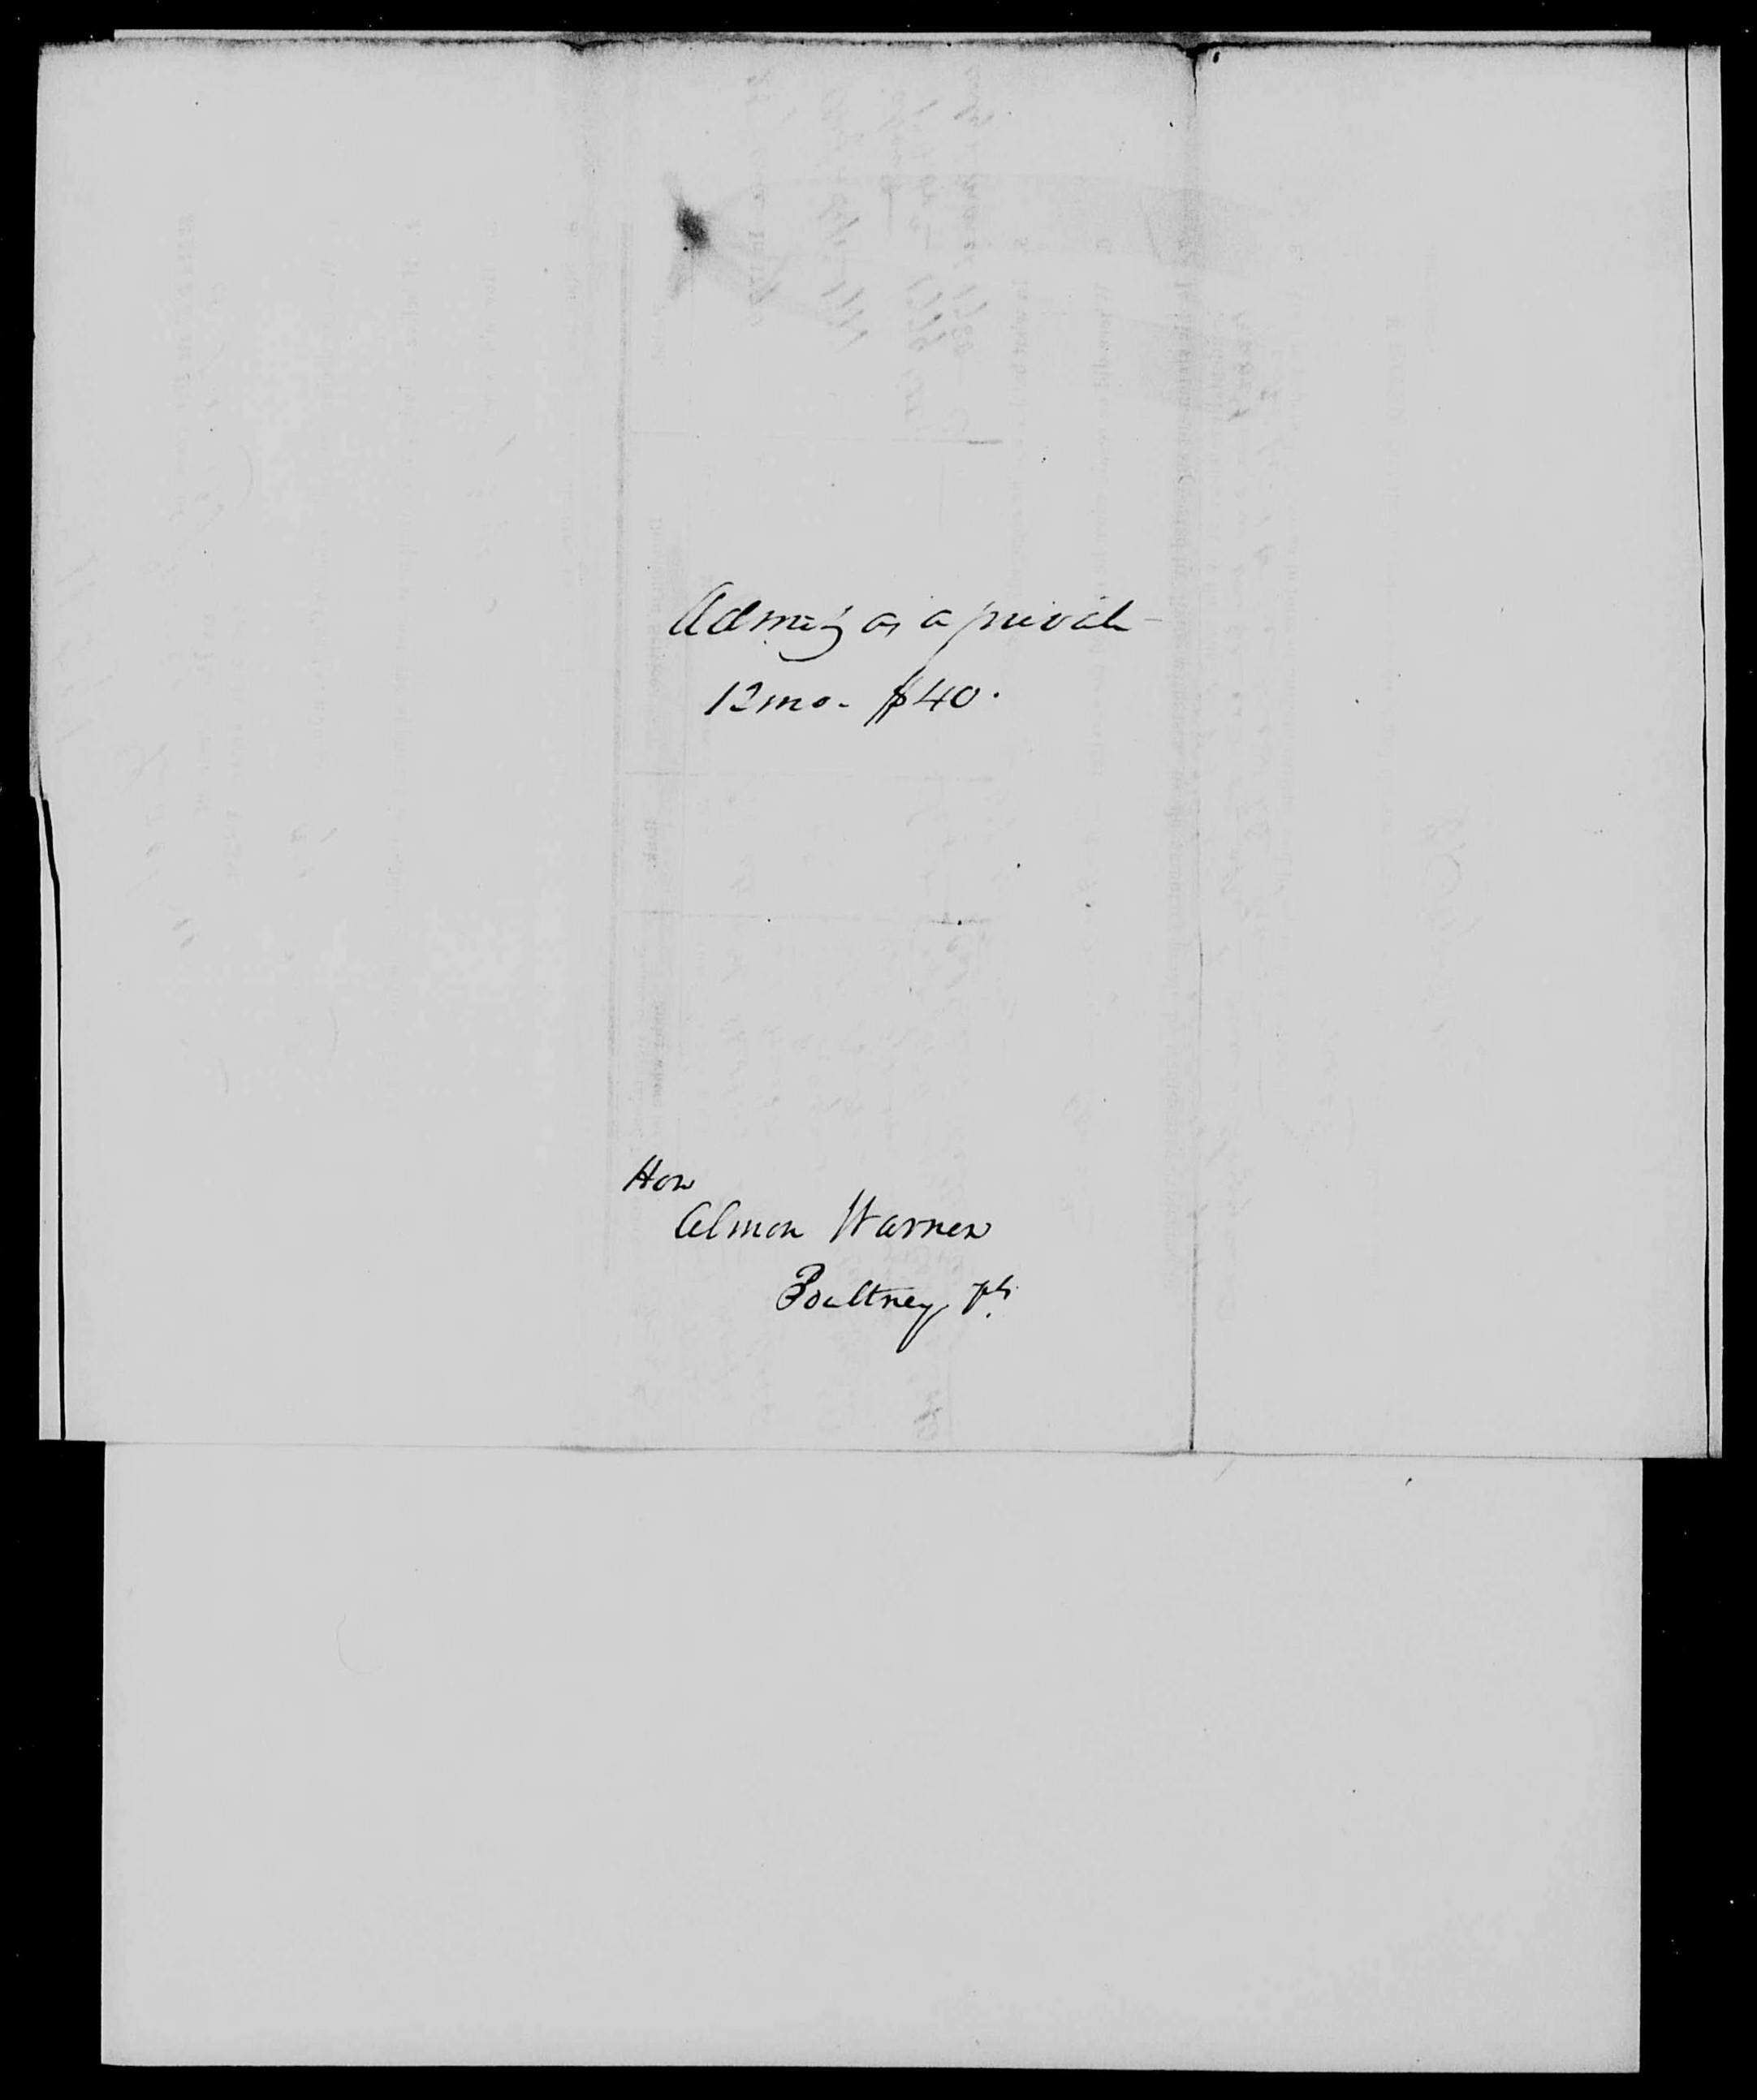Admt as a private - 
12 mo - $40

Hon Almon Warner
Poultney, Vt.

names: Almon Warner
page: 4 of 27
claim: widow's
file: W. 24,500, for James Leach, Connecticut